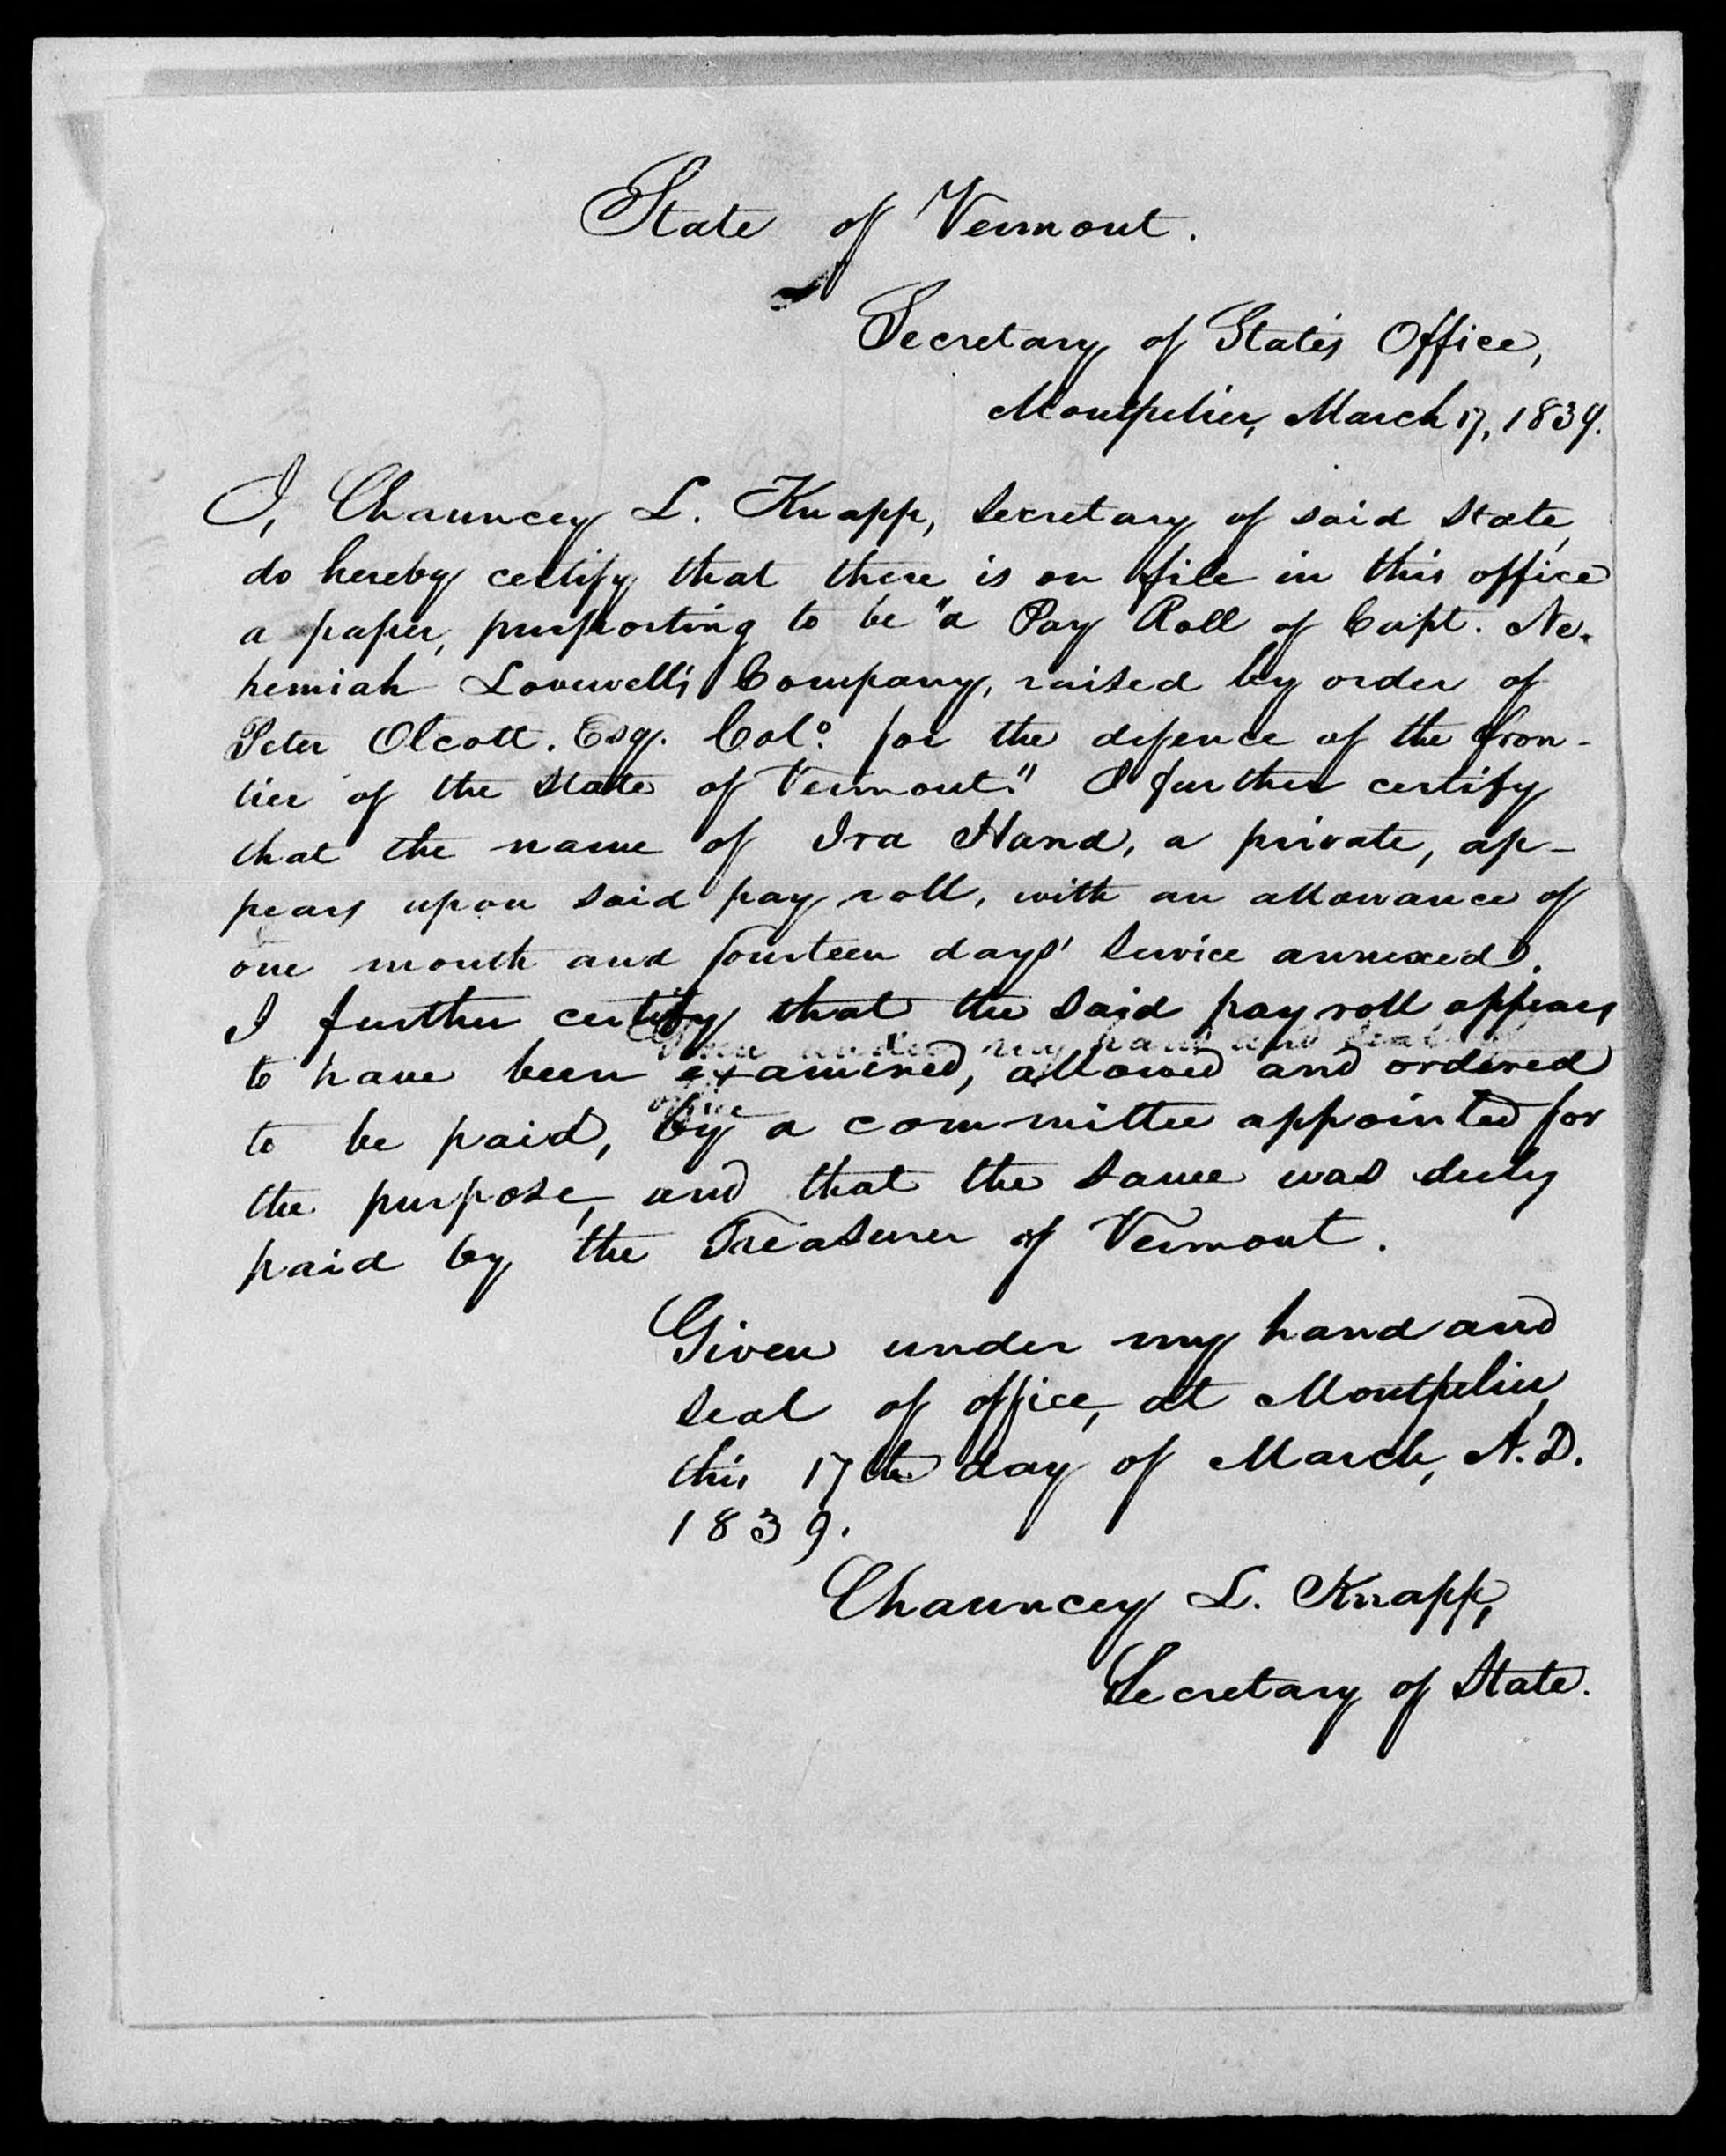State of Vermont
Secretary of States Office,
Chauncey L. Knapp,
Montpelier, March 17, 1839.
Secretary of said State
do hereby certify that there is on file in this office
paper, purporting to be a Pay Roll of Capt. N.
Hemiah Lovewell's Company, raised by order of
Peter Olcott, Esq. Col for the defense of the frontier
of the State of Vermont. I further certify
that the name of Ira Hand, a private, appears
upon said pay roll, with an allowance of
one month and fourteen days, service annexed
I further certify that the said pay roll appears
to have been examined, all and ordered
to be paid, by a committee appointed for
the purpose, and that the same was duly
paid by the Treasurer of Vermont
Given under my hand and
seal of office, at Montpelin
this 17th day of March A.D
1839
Chauncey
L. Knapp
Secretary of State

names: Peter Olcott, Ira Hand, Chauncey L Knapp, Chauncey L Knapp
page: 42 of 42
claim: widow's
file: W. 19,722, Ira Hand, N.H. Vt.